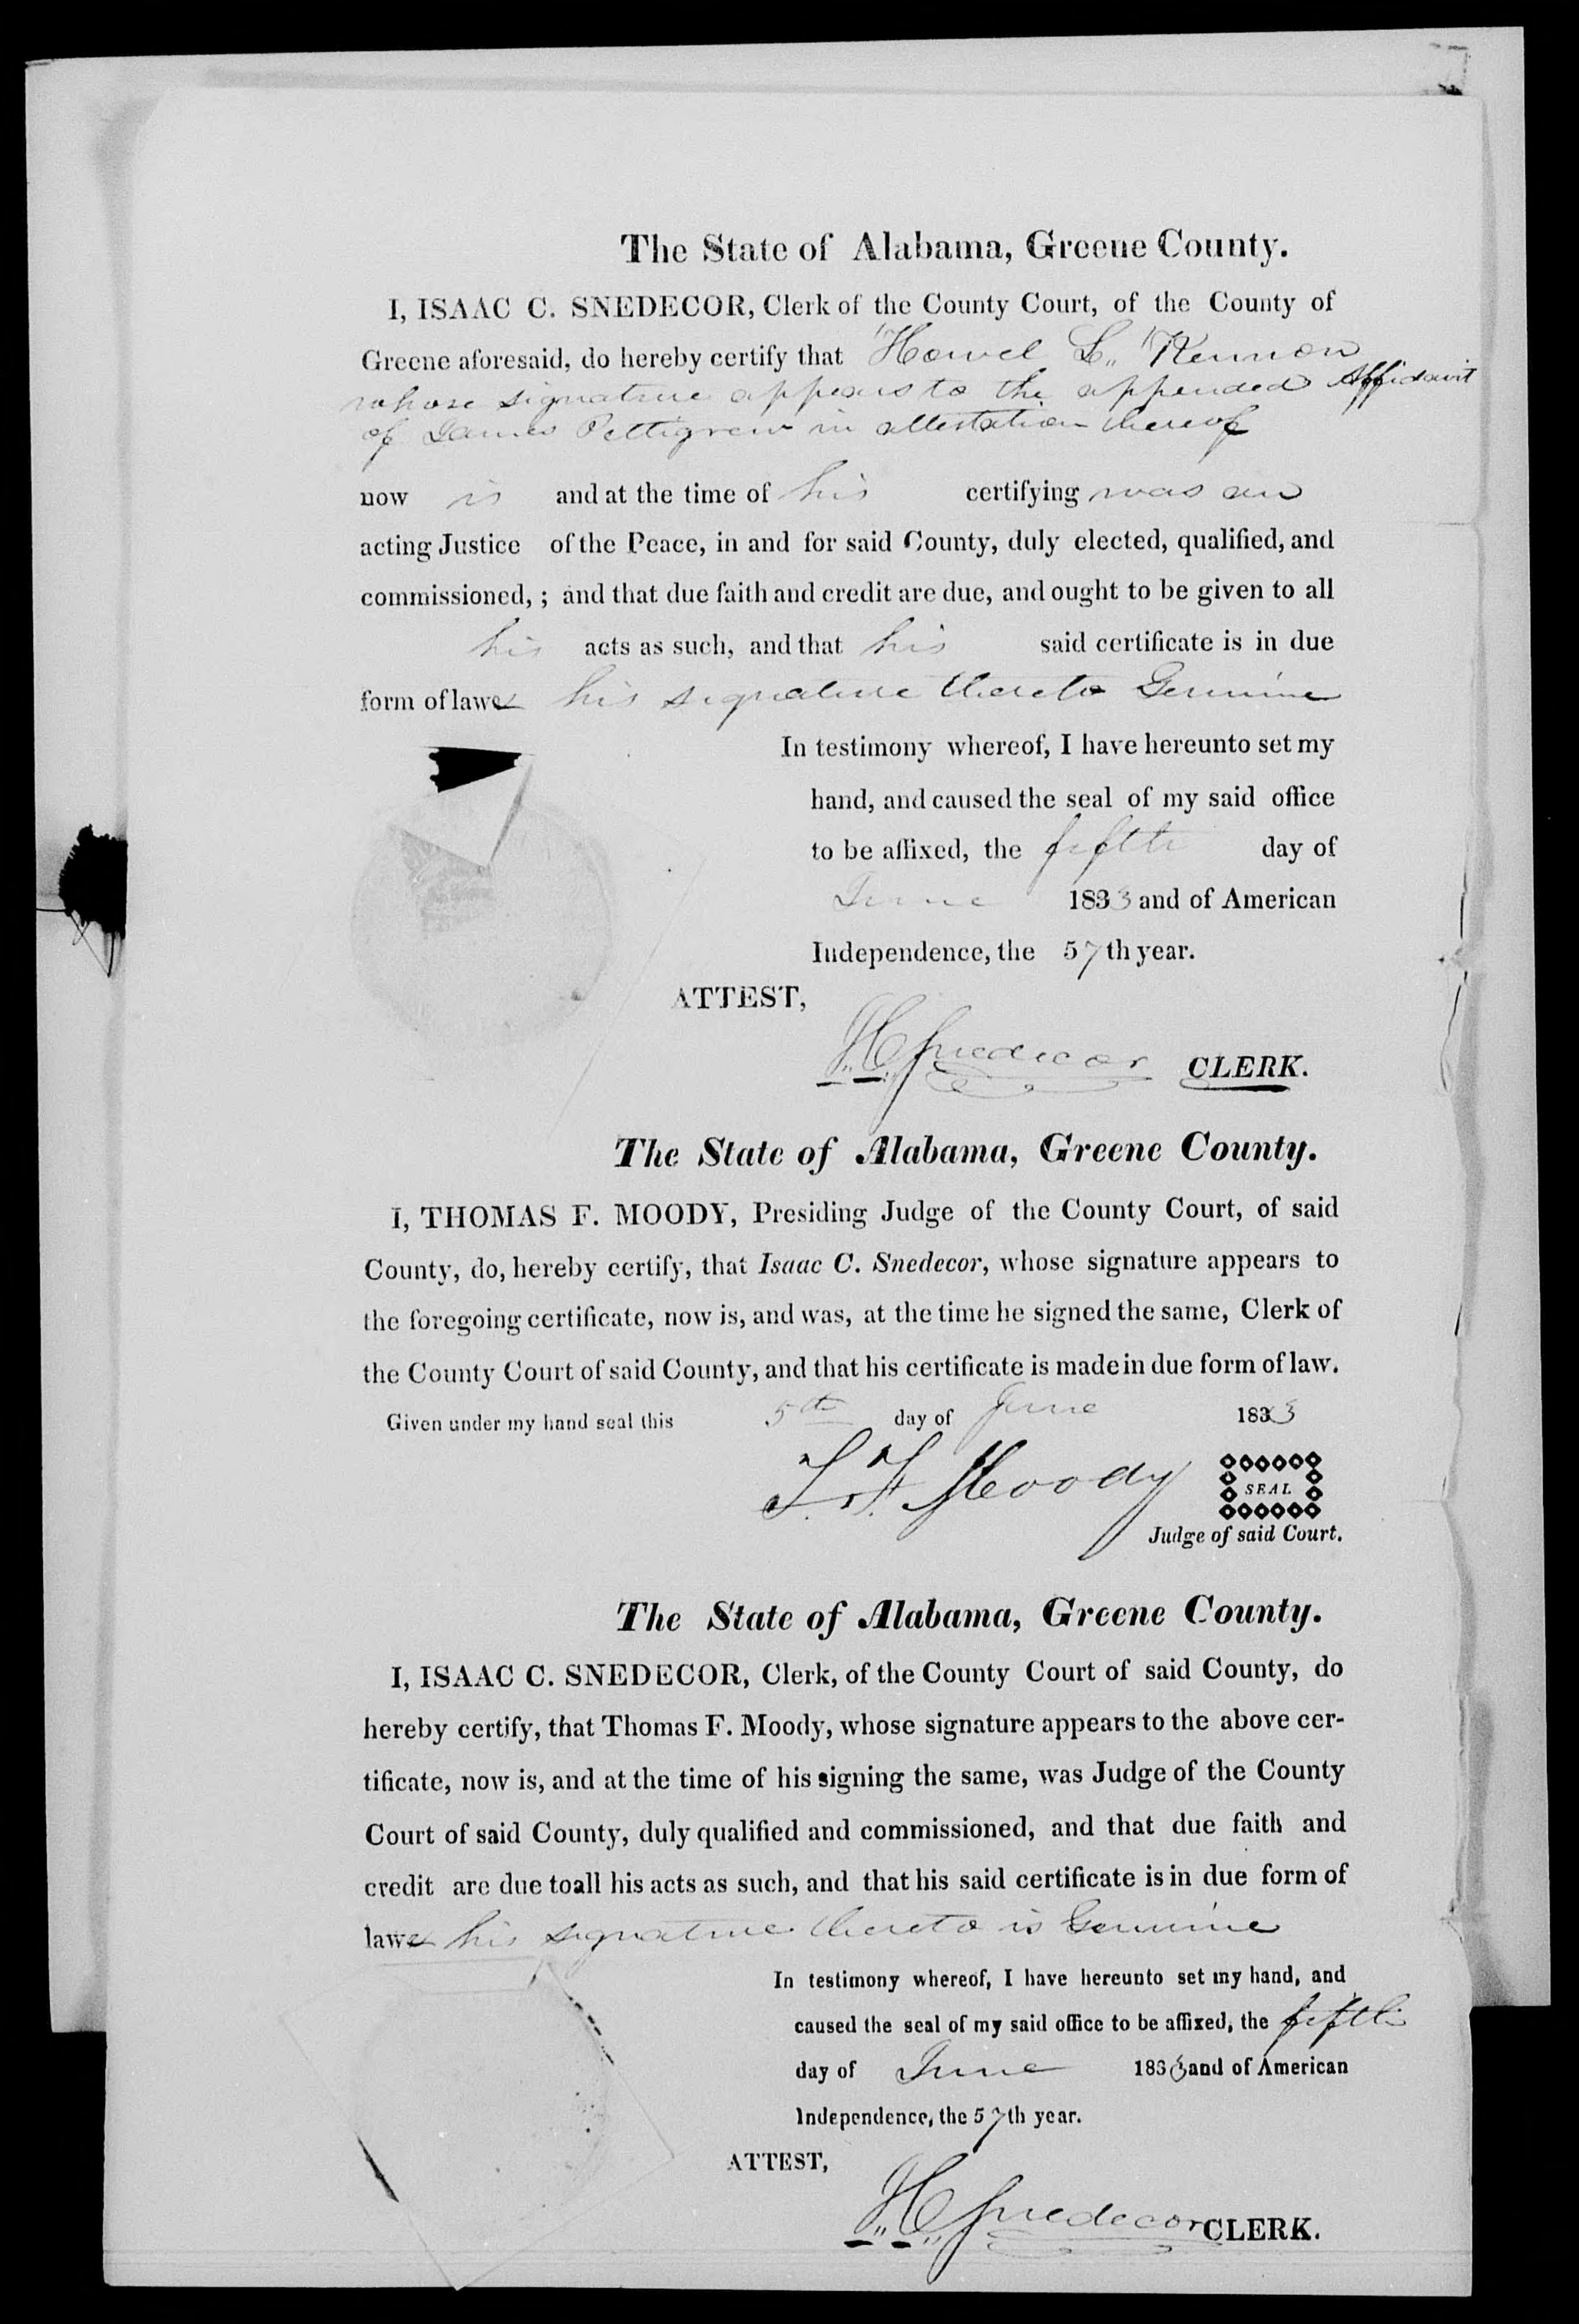[typed form, with handwritten responses]
The State of Alabama, Greene County.
I, ISSCAC C. SNEDECOR, Clerk of the County Court of the County of Greene aforesaid, do hereby certify that Howel L. Kenon whose signature appears to the appended affidavit of James Pettigrew in attestation thereof now in and at the time of his certifying was an acting Justice of the Peace, in and for said County, duly elected, qualified, and commissioned, ; and that due faith and credit are due, and ought to be given to all his acts as such, and that his said certificate is in due form of laws his signature thereto Germaine 
[seal]
In testimony whereof, I have hereunto set my hand, and caused the seal of my said office to be affixed, the fifth day of June 1833 and of American Independence, the 57th year.
ATTEST, 
I.C. Snedecor CLERK.
The State of Alabama, Greene County.
I, Thomas F. Moody, Presiding Judge of the County Court, of said County, do, hereby certify, that Isaac C. Snedecor, whose signature appears to the foregoing certificate, now is, and was, at the time he signed the same, Clerk of th County Court of said County, and that his certificate is made in due form of law.
Given under my hand sela this 5th day of June 1833
J. J. Moody [seal]
Judge of said Court
The State of Alabama, Greene County.
I, ISSAC C. SNEDECOR, Clerk of the County Court of said County, do hereby certify, that Thomas F. Moody, whose signature appears to the above certificate, now is, and at the time of signing the same, was Judge of the County Court of said County, duly qualified and commissioned, and that due faith and audit are due toall his acts as such, and that his said certificate is in due form of law his signature thereunto is genuine
[seal]
In testimony whereof, I have hereunto set my hand, and caused the seal of my said office to be affixed, the fifth day of June 1833 and of American Independence, the 57th year.
ATTEST HC Snedecor CLERK.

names: Isaac C Snedecor; L Kennon; Thomas F Moody; James Pettigrew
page: 57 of 92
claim: widow's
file: W. 5522, for James Pettigrew, South Carolina